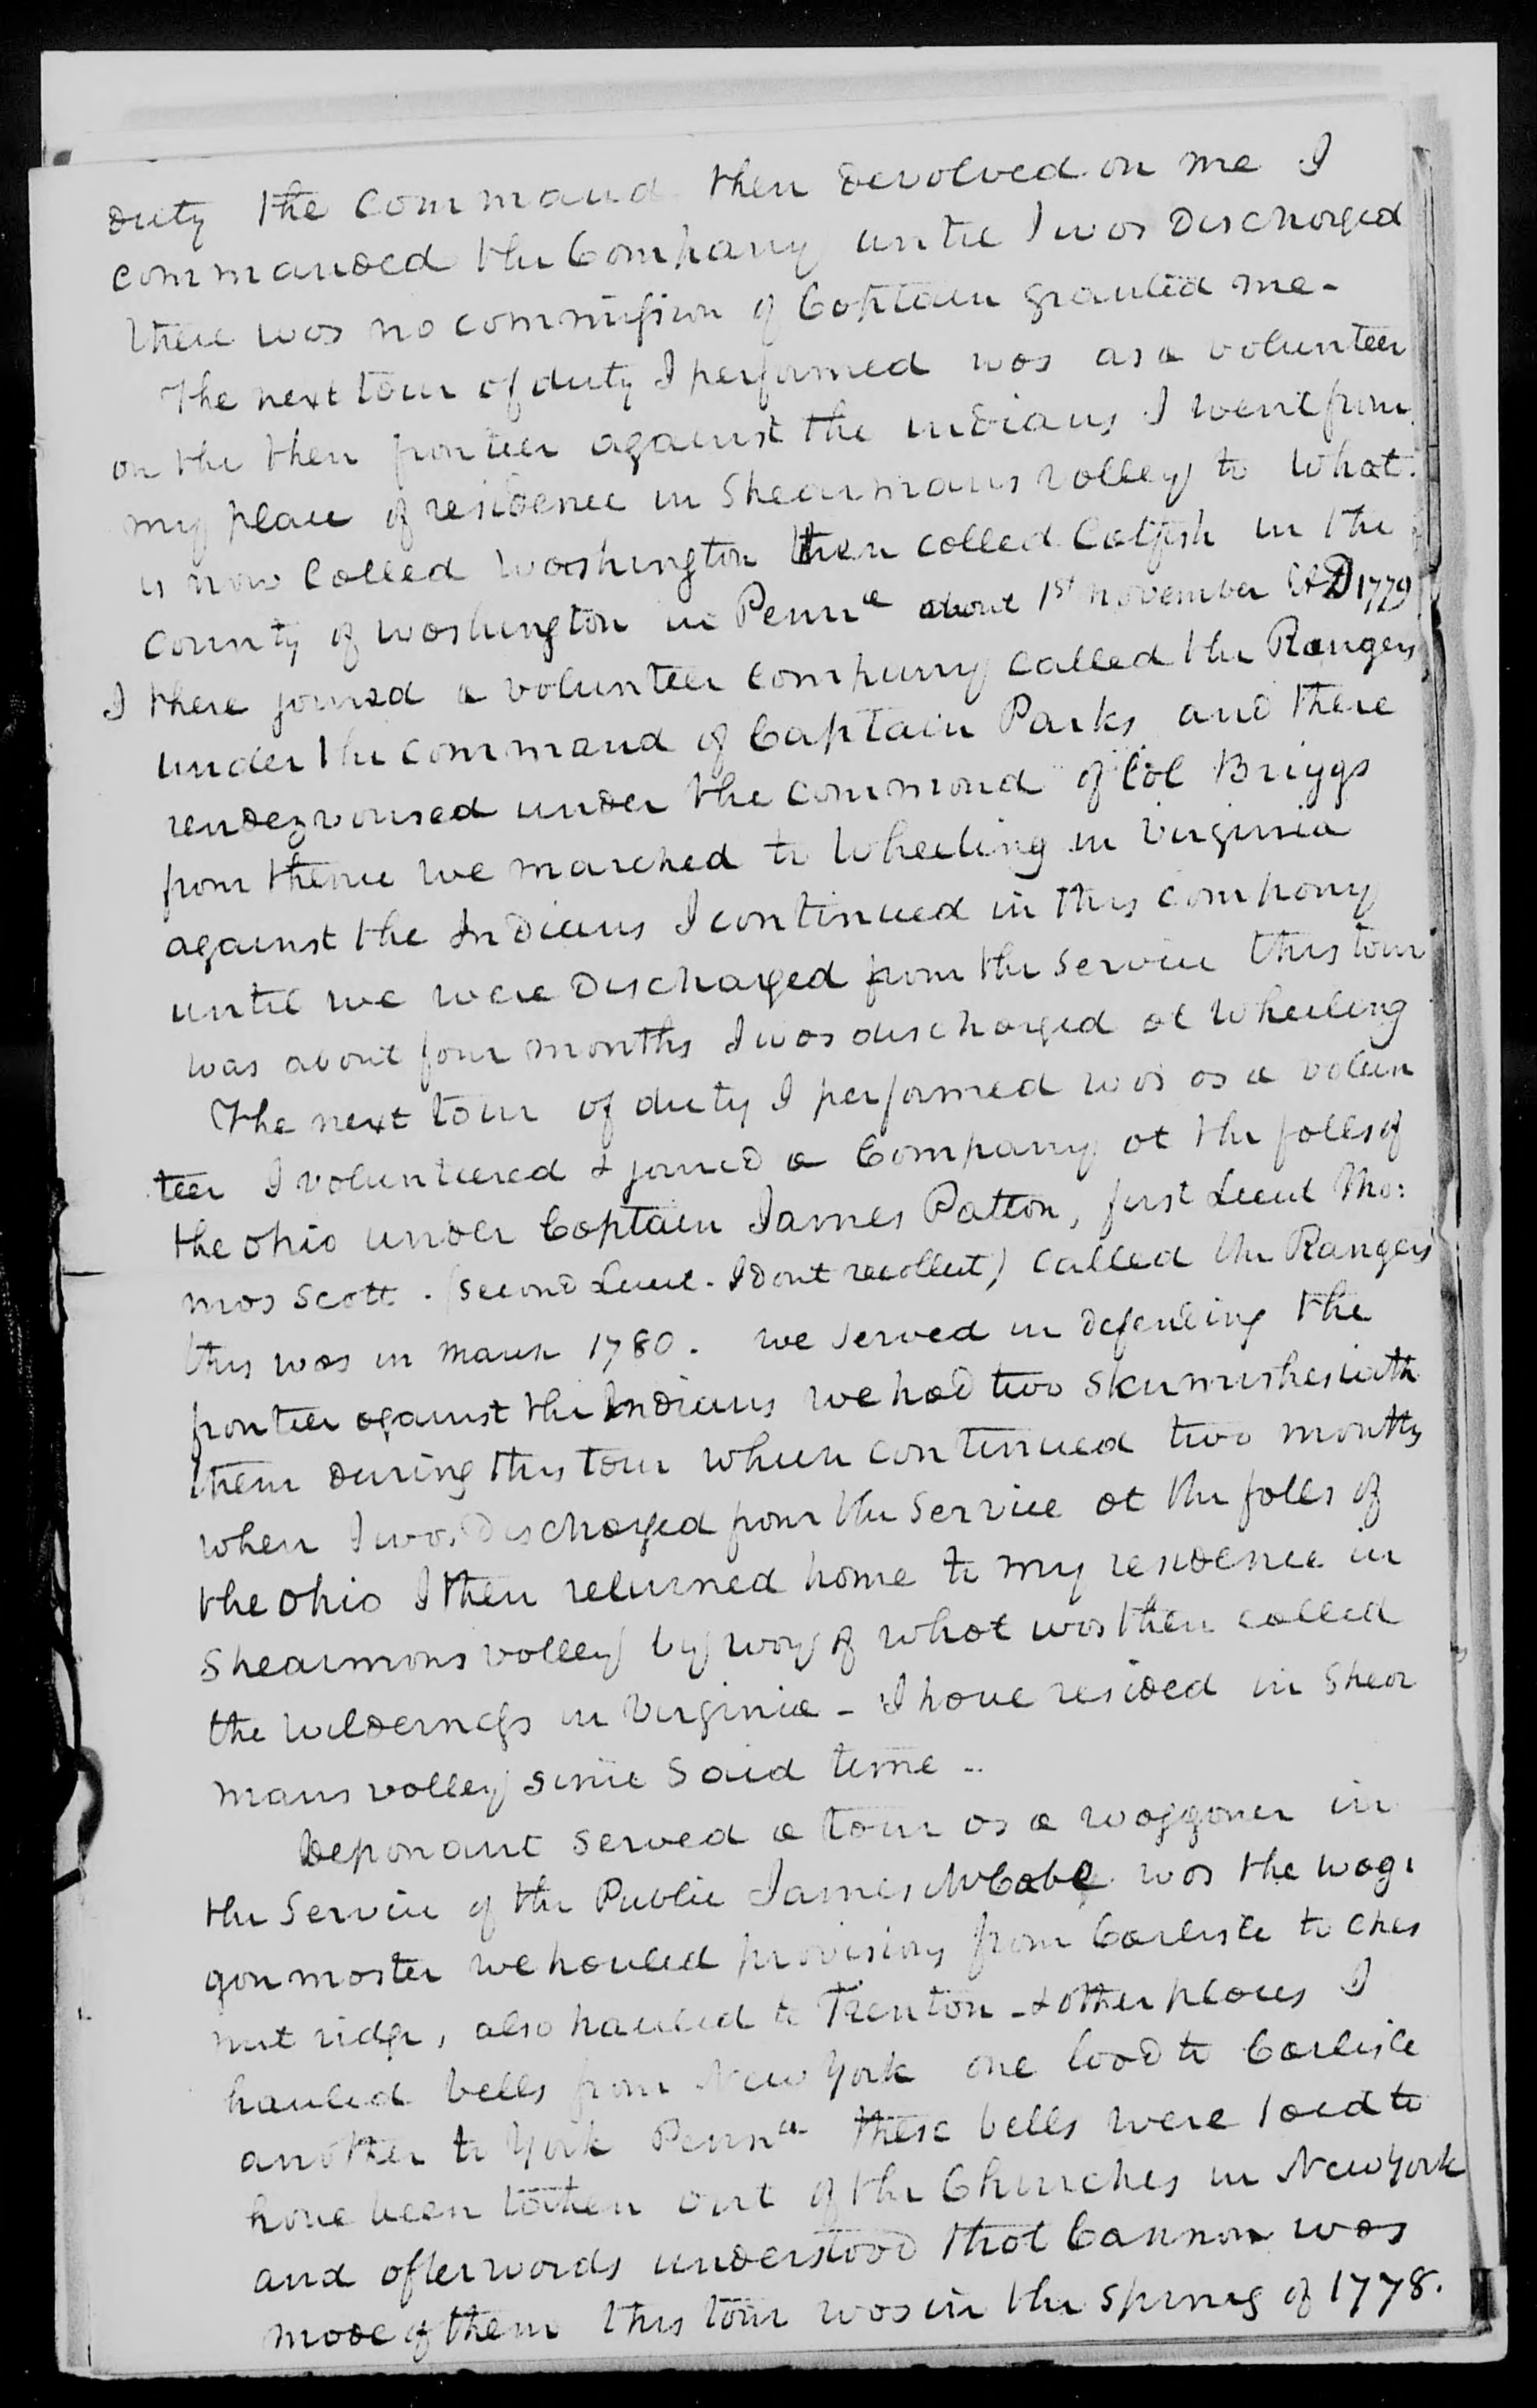duty the command then [illegible] on me I commanded the Company until I was discharged there was no commission of Captain granted me. 
The next tour of duty I performed was as a volunteer on the then frontier against the indians I went from my place of rendence in Shearmans volley to what is now called Washington then called Catfish in the County of Washington in Penn about 1st november AD 1779
I there joined a volunteer company called the Rangers under the command of Captain Parks and there rendezvoused under the command of Col Briggs from there we marched to Wheeling in Virginia against the Indians I continued in this company until we were discharged from the service this time was about four months I was discharged at Wheeling.
The next tour of duty I performed was as a volunteer I volunteered & joined a company at the [illegible] of the Ohio under Captain James Patton, first Lieut. Thomas Scott. (second Lieut. I don't recollect) called the Rangers this was in March 1780.  We served in defending the frontier against the Indians We had two skirmishes with them during this tour which continued two months when I was discharged from the service at [illegible] of the ohio.  I then returned home to my rendence in Shearmans volley by way of what was then called the Wilderness in Virginia-I have resided in Shearmans volley since said time.
Deponant served a tour as a waggoner in the Service of the Public James McCabe was the waggon master we hauled provisions from Carlisle to Chestnut ridge, also hauled to Trenton-& other places I hauled bells from New York one load to Carlisle another to York Penn These bells were said to have been taken out of the Churches in New York and afterwords understood that [illegible] was more of them  This tour was in the Spring of 1778.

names: Parks, Momos Scott, Briggs, James Mc Cabe, James Patton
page: 7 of 30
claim: widow's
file: W. 3211, George Black, Penn.